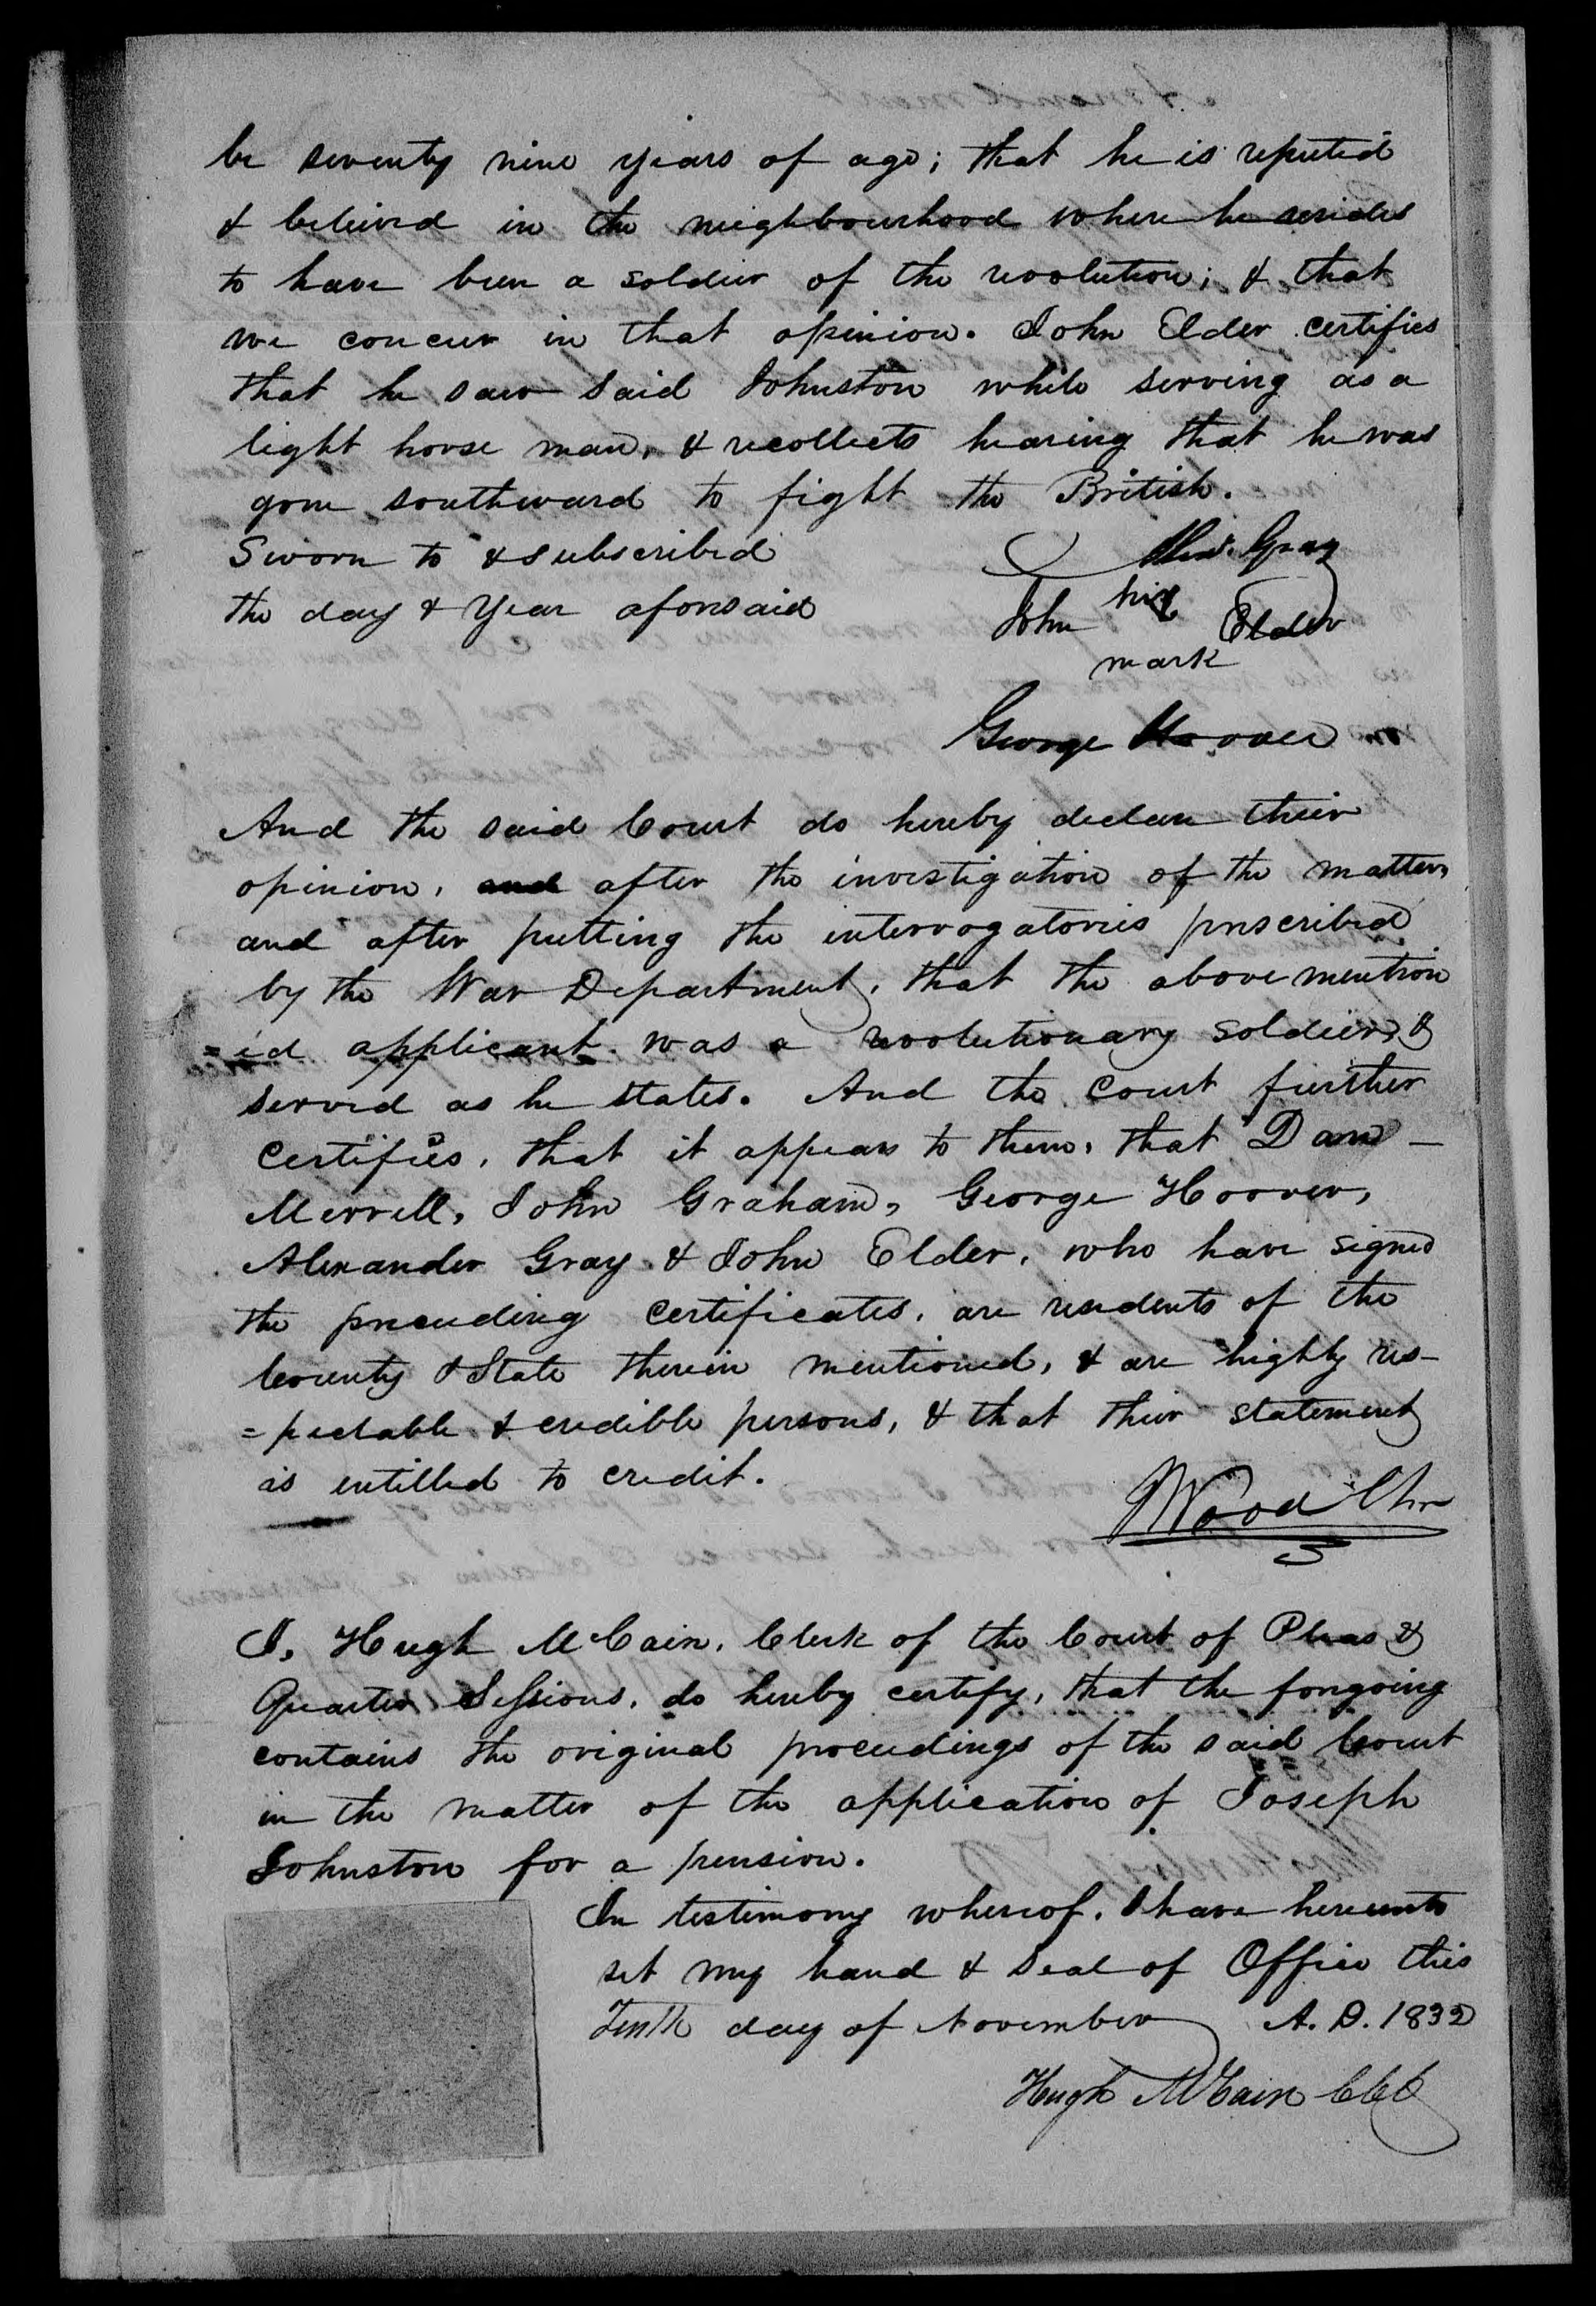be seventy nine years of age; that he is reputed & believed in the neighbourhood [neighborhood] where he resides to have been a soldier of the revolution, & that we concur in that opinion. John Elder certifies that he saw said Johnston while serving as a light horse man, & recollects hearing that he was gone southward to fight the British. 
Sworn to & subscribed the day & year aforesaid 
Alexander Gray
John [his X mark] Elder
George Hoover 

And the said Court do hereby declare their opinion, and after the investigation of the matter and after putting the interrogatories prescribed by the War Department, that the above mentioned applicant was a revolutionary soldiers & served as he states. And the Court further certifies, that it appears to them that Dan Merrill, John Graham, George Hoover, Alexander Gray & John Elder, who have signed the preceding certificates, are residents of the County & State therein mentioned, & are highly respectable & credible persons, & that their statement is entitled to credit. 
Wood [Illegible] 

I, Hugh McCain Clerk of the Court of Pleas & quarter Sessions do hereby certify, that the foregoing contains the original proceedings of the said Court in the matter of the application of Joseph Johnston for a pension. 
In testimony whereof I have hereunto set my hand & seal of Office this Tenth day of November A.D. 1832

Hugh McCain CCC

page: 14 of 41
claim: widow's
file: W. 5033, for Joseph Johnston, North Carolina